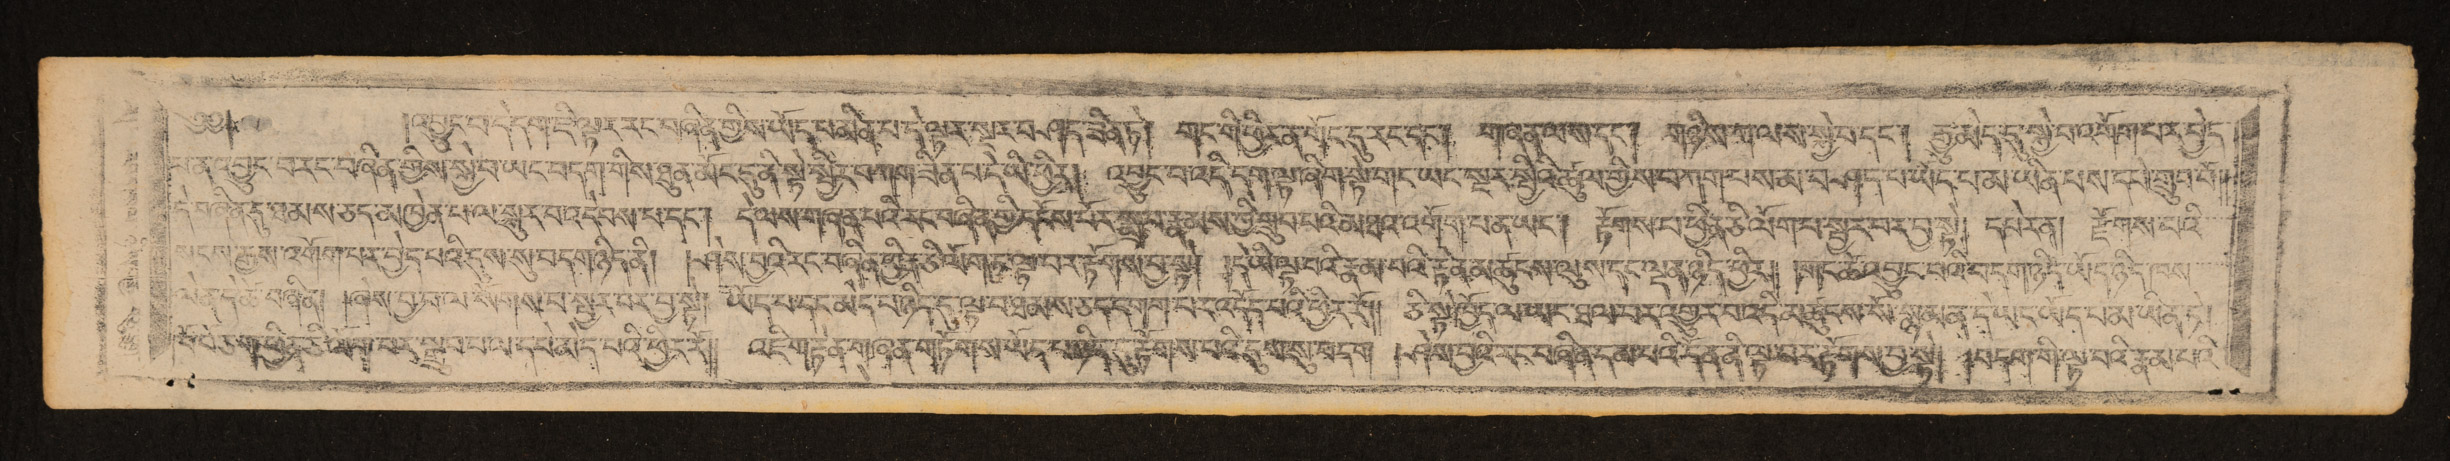༄༅། །འབྱུང་བ་དེ་དག་ཇི་ལྟར་རང་བཞིན་གྱིས་ཡོད་པ་མིན་པ་དེ་ལྟར་སྔར་བཤད་ཟིན་ཏོ། གང་གི་ཕྱིར་ན་གོང་དུ་རང་དང་། གཞན་ལས་དང་། གཉིས་ཀ་ལས་སྐྱེ་བ་དང་། རྒྱུ་མེད་དུ་སྐྱེ་བ་འགོག་པར་བྱེད་
པ་ན་འབྱུང་བ་རང་བཞིན་གྱིས་སྐྱེ་བ་ཡང་བདག་གིས་ཐུན་མོང་དུ་ནི་སྟེ་སྤྱིར་བཀག་ཟིན་པ་དེ་ཡི་ཕྱིར། འབྱུང་བ་འདི་དག་ལྟ་ཞིག་སྟེ་གང་ཡང་སྔར་སྤྱིའི་ཚུལ་གྱིས་བཀག་པས་མ་བཤད་པ་ཡོད་པ་མ་ཡིན་པས་དཔེ་གྲུབ་བོ།།
དེ་བཞིན་དུ་ཐམས་ཅད་མཁྱེན་པ་ལ་སྐུར་བ་འདེབས་པ་དང་། དེ་ལས་གཞན་པའི་རང་བཞིན་གྱི་དངོས་པོར་སྨྲ་བ་རྣམས་ཀྱི་གྲུབ་པའི་མཐའ་འགོག་པ་ན་ཡང་། རྟོགས་པ་ཕྱིན་ཅི་ལོག་པ་སྦྱར་བར་བྱ་སྟེ། དཔེར་ན། རྫོགས་པའི་
སངས་རྒྱས་འགོག་པར་བྱེད་པའི་དུས་སུ་བདག་ཉིད་ནི། །ཤེས་བྱའི་རང་བཞིན་ཕྱིན་ཅི་ལོག་ཏུ་ལྟ་བར་རྟོགས་བྱ་སྟེ། །དེ་ཡི་ལྟ་བའི་རྣམ་པའི་རྟེན་མཚུངས་ལུས་དང་ལྡན་ཉིད་ཕྱིར། །གང་ཚེ་འབྱུང་བའི་བདག་ཉིད་ཡོད་ཉིད་ཁས་
ལེན་དེ་ཚེ་བཞིན། །ཞེས་བྱ་བ་ལ་སོགས་པ་སྦྱར་བར་བྱ་སྟེ། ཡོད་པ་དང་མེད་པ་ཉིད་དུ་ལྟ་བ་ཐམས་ཅད་དགག་པར་འདོད་པའི་ཕྱིར་རོ།། ཅི་སྟེ་ཁྱོད་ལ་ཡང་ཐལ་བར་འགྱུར་བ་འདི་མཚུངས་སོ་སྙམ་ན་དེ་ཡང་ཡོད་པ་མ་ཡིན་ཏེ།
ཁོ་བོ་ཅག་ཕྱིན་ཅི་ལོག་པར་སྒྲུབ་པ་ལ་དཔེ་མེད་པའི་ཕྱིར་རོ།། འཇིག་རྟེན་གཞན་གཏོགས་ཡོད་པ་ཉིད་དུ་རྟོགས་པའི་དུས་སུ་བདག །ཤེས་བྱའི་རང་བཞིན་དམ་པའི་དོན་ནི་ལྟ་བར་རྟོགས་བྱ་སྟེ། །བདག་གི་ལྟ་བའི་རྣམ་པའི་